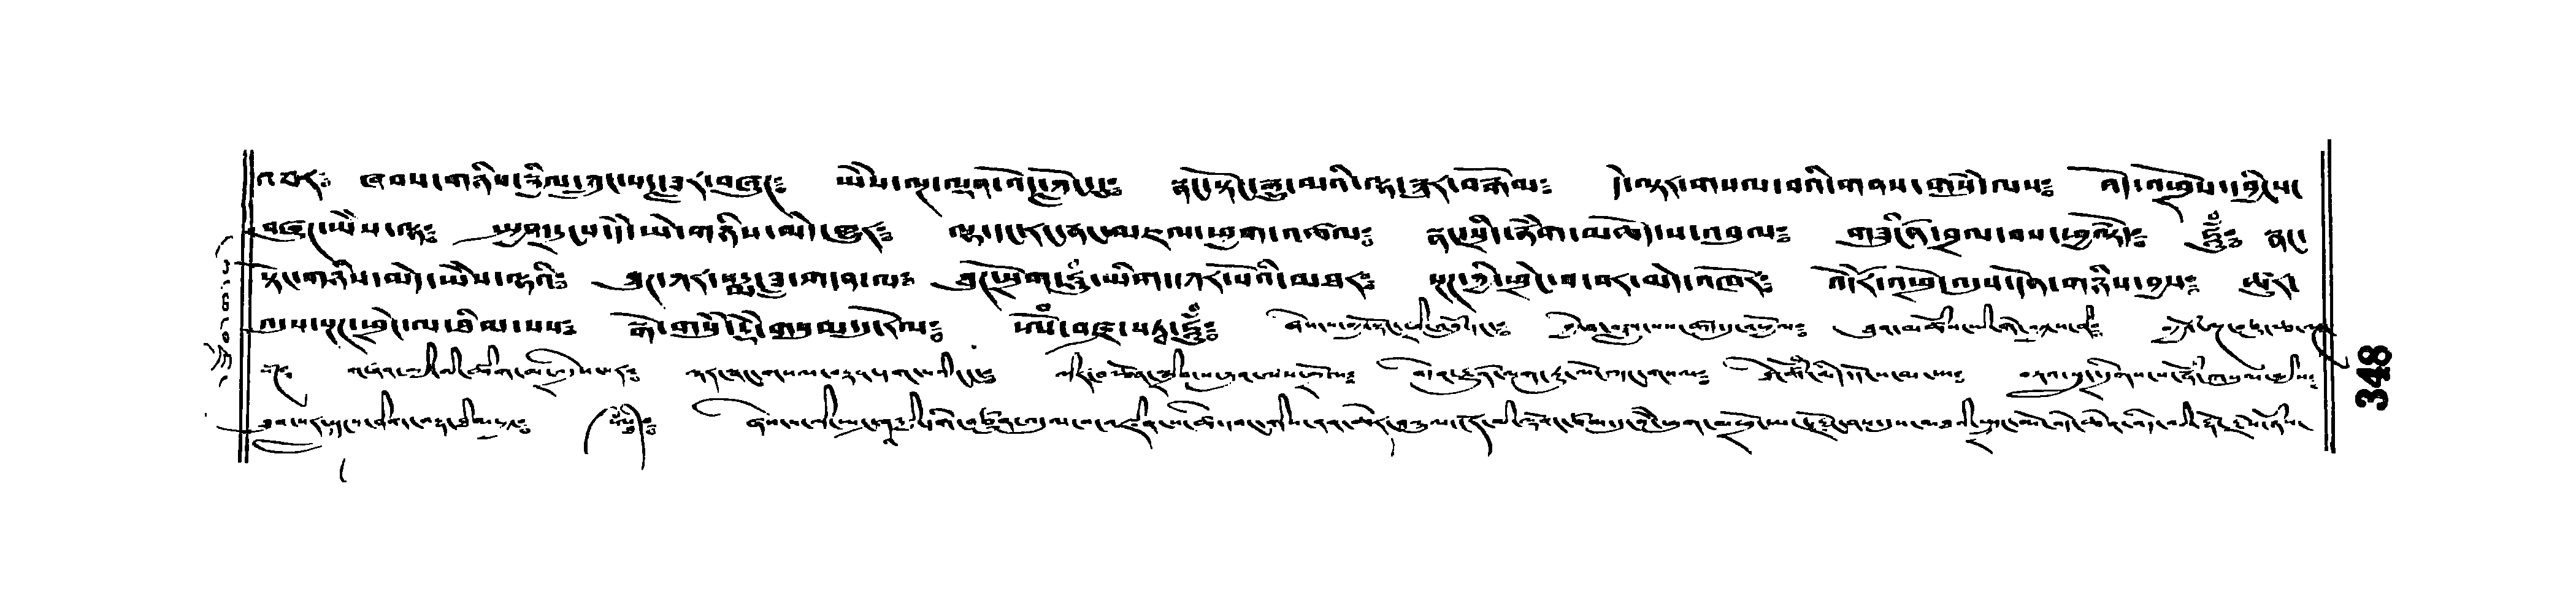འབར༔ ཞབས་གཉིས་སྐྱིལ་ཀྲུང་པད་ཟླར་བཞུགས༔ ཡེ་ཤེས་ལྔ་ལྡན་འོད་ཀློང་དུ༔ སྣང་སྟོང་སྒྱུ་མའི་ལྷ་སྐུར་བསྒོམ༔ དེ་ལྟར་གསལ་བའི་གནས་གསུམ་ལས༔ འོད་འཕྲོས་དབྱིངས་
བཞུགས་ཡེ་ཤེས་ལྷ༔ སྤྱན་དྲངས་དམ་ཡེ་གཉིས་མེད་གྱུར༔ ལྷ་དང་རང་སྣང་མཇལ་ཕྱག་འཚལ༔ སྣང་སྲིད་རྣམ་དག་མཆོད་པ་འབུལ༔ གཟུང་འཛིན་བྲལ་བས་ཕྱག་འཚལ་བསྟོད༔ ཧཱུྃ༔ སྣང་
སྟོང་གཉིས་མེད་ཡེ་ཤེས་ལྷའི༔ ཐུགས་ཀར་པདྨ་ཟླ་གདན་ལ༔ ཐུགས་སྲོག་ཧཱུྃ་ཡིག་དཀར་པོའི་མཐར༔ སྔགས་ཀྱི་ཕྲེང་བ་བར་མེད་འཁོར༔ འོད་ཟེར་འཕྲོ་འདུས་དོན་གཉིས་བྱས༔ ཚུར་
འདུས་སྔགས་ཕྲེང་ལ་ཐིམ་པས༔ སྒོ་གསུམ་རྡོ་རྗེ་གསུམ་དུ་རོལ༔ ཨོཾ་བཛྲ་སཏྭ་ཧཱུྃ༔ ཞེས་པ་བརྒྱ་སྟོང་ཁྲི་འབུམ་དང༔ བྱེ་བ་བཟླས་པས་ཚད་དུ་འཁྱོལ༔ཐུན་མཚམས་ཡི་གེ་བརྒྱ་པ་ནི༔ བརྒྱའམ་ལྔ་བཅུ་རྩ་ལྔ་
སོགས༔ གཞན་གྱི་མི་ཚིག་མ་འདྲེས་པར༔ ལྷར་སྣང་གསལ་བརྟན་དག་པའི་ངང༔ འདིར་བརྩོན་སྒྲིབ་པ་ཀུན་ལས་གྲོལ༔ བདེན་རྫུནལག་ཏུ་ལོངས་དང་གསལ༔ ཐེ་ཚོམ་མེད་དོ་ས་མ་ཡ༔ བཀའ་སྲུང་དྲེགས་པ་རྣམ་གསུམ་གྱིས༔ 
ཐུབ་པར་སྲུངས་ཤིག་བརྡ་ཐིམ་རྒྱ༔ ༔ ཞེས་པ་འདི་ཡང་ཤཱཀྱའི་དགེ་བཙུན་འདུལ་བ་འཛིན་པ་ཚེ་དབང་གིས་ནན་ཆེའི་བསྐུལ་ངོ་མ་ལྡོག་ཙམ་དུ་བཻ་ཕུག་མཁའ་འགྲོ་ཡང་རྫོང་ནས་དུས་མཐའི་སྤྲང་མོ་བདེ་ཆེན་བདེ་བའི་རྡོ་རྗེས་ཉམས་